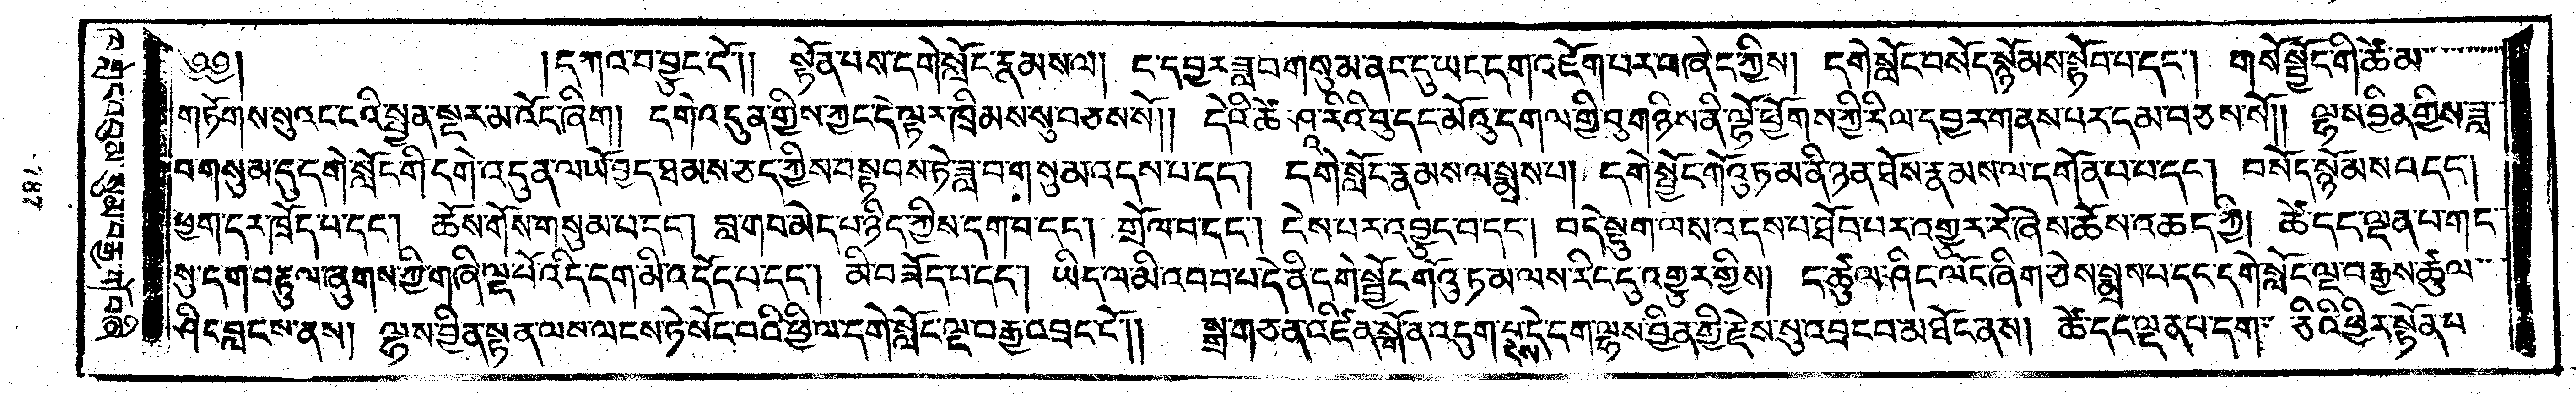༄༅། །དཀའ་འབྱུང་ངོ།། སྟོན་པས་དགེ་སློང་རྣམས་ལ། ང་དབྱར་ཟླ་བ་གསུམ་ནང་དུ་ཡང་དག་འཇོག་པར་བཞེད་ཀྱིས། དགེ་སློང་བསོད་སྙོམས་སྟོབ་པ་དང་། གསོ་སྦྱོང་གི་ཚེ་མ་
གཏོགས་སུའང་ངའི་སྤྱན་སྔར་མ་འོང་ཞིག། དགེ་འདུན་གྱིས་ཀྱང་དེ་ལྟར་ཁྲིམས་སུ་བཅས་སོ།། དེའི་ཚེ་ཤཱ་རིའི་བུ་དང་མོའུ་དགལ་གྱི་བུ་གཉིས་ནི་ལྷོ་ཕྱོགས་ཀྱི་རི་ལ་དབྱར་གནས་པར་དམ་བཅས་སོ།། ལྷས་བྱིན་གྱིས་ཟླ་
བ་གསུམ་དུ་དགེ་སློང་གི་དགེ་འདུན་ལ་ཡོ་བྱད་ཐམས་ཅད་ཀྱིས་བསྟབས་ཏེ་ཟླ་བ་གསུམ་འདས་པ་དང་། དགེ་སློང་རྣམས་ལ་སྨྲས་པ། དགེ་སྦྱོང་གོའུ་ཏ་མ་ནི་ཉན་ཐོས་རྣམས་ལ་དགོན་པ་པ་དང་། བསོད་སྙོམས་པ་དང་།
ཕྱག་དར་ཁྲོད་པ་དང་། ཆོས་གོས་གསུམ་པ་དང་། བླ་གབ་མེད་པ་ཉིད་ཀྱིས་དག་བ་དང་། གྲོལ་བ་དང་། ངེས་པར་འབྱུང་བ་དང་། བདེ་སྡུག་ལས་འདས་པ་ཐོབ་པར་འགྱུར་རོ་ཞེས་ཆོས་འཆད་ཀྱི། ཚེ་དང་ལྡན་པ་གང་
སུ་དག་བརྟུལ་ཞུགས་ཀྱི་གཞི་ལྔ་པོ་འདི་དག་མི་འདོད་པ་དང་། མི་བཟོད་པ་དང་། ཡིད་ལ་མི་འབབ་པ་དེ་ནི་དགེ་སྦྱོང་གོའུ་ཏ་མ་ལས་རིང་དུ་འགྱུར་གྱིས། ང་ཚུལ་ཤིང་ལོང་ཞིག་ཅེས་སྨྲས་པ་དང་དགེ་སློང་ལྔ་བརྒྱས་ཚུལ་
ཤིང་བླངས་ནས། ལྷས་བྱིན་སྟན་ལས་ལངས་ཏེ་སོང་བའི་ཕྱི་ལ་དགེ་སློང་ལྔ་བརྒྱ་འབྲང་ངོ།། སྒྲ་གཅན་འཛིན་སྒོ་ན་འདུག་ངེས་པ་དེ་དག་ལྷས་བྱིན་གྱི་རྗེས་སུ་འབྲང་བ་མཐོང་ནས། ཚེ་དང་ལྡན་པ་དག་ཅིའི་ཕྱིར་སྟོན་པ་